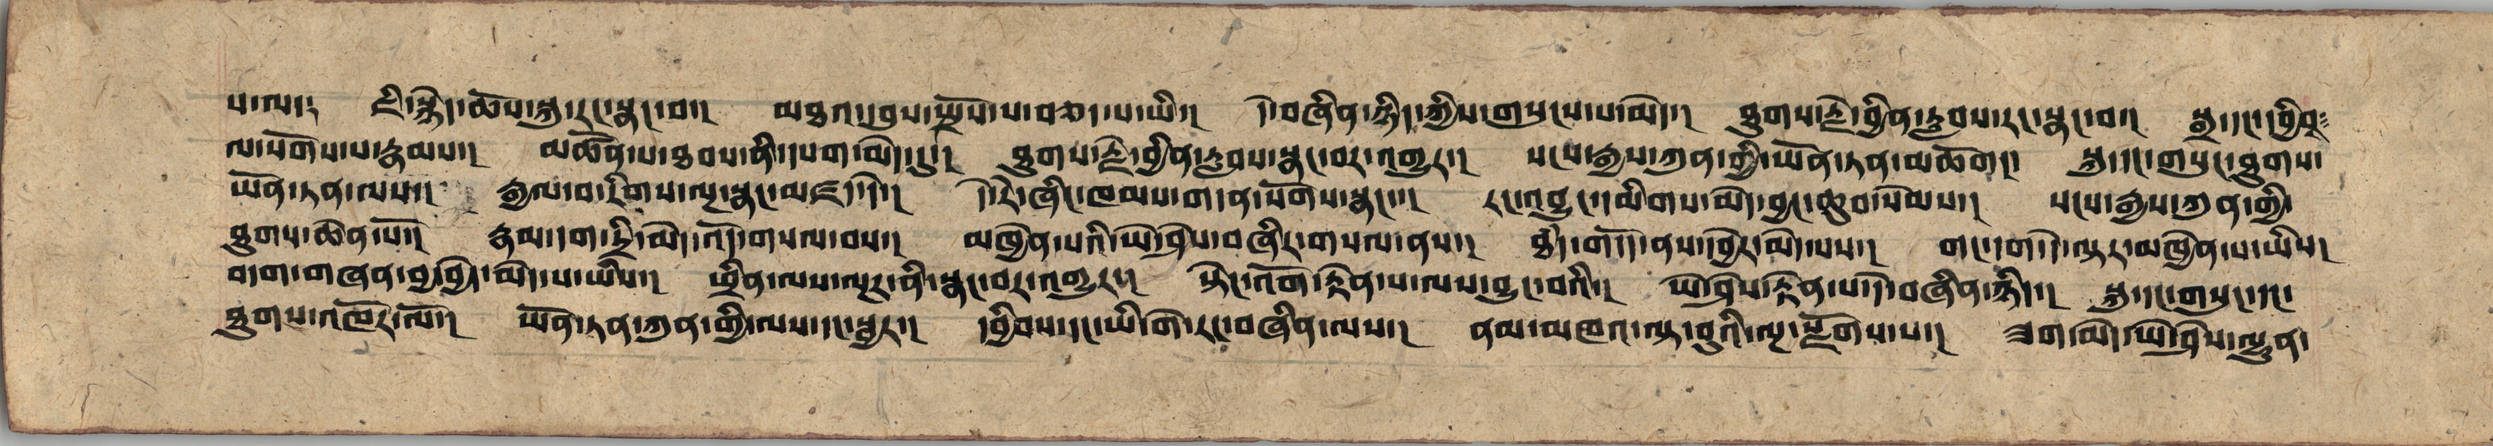ས་ལ་། ཇི་སྙེད་ཆོས་ཀུན་རང་སྣང་བ་། མཐའ་དབུས་སྤྲོས་པ་བཅད་པ་ཡི་། དེ་བཞིན་ཉིད་ཀྱིས་གསུངས་པ་མེད་། ཐུགས་རྗེ་བྱིན་རླབས་རང་སྣང་བ་། སྒྲ་དང་དབྱིབས་
ལ་སོགས་པ་རྣམས་། མཚོན་པ་ཐབས་ནི་དཔག་མེད་དུ་། ཐུགས་རྗེ་བྱིན་རླབས་སྣང་བར་འགྱུར་། སངས་རྒྱས་ཀུན་གྱི་ཡོན་ཏན་མཆོག།་ སྐུ་དང་གསུང་ཐུགས་
ཡོན་ཏན་ལས་། རྒྱལ་བ་རིགས་ལྔ་སྣང་མཛད་དེ་། དེ་རེ་ཞིང་ཁམས་གདན་སོགས་སྣང་་། རང་འབྱུང་དམིགས་མེད་བྱང་ཆུབ་སེམས་། སངས་རྒྱས་ཀུན་གྱི་
ཐུགས་ཆེན་པོ་། རྣམ་དག་དྲི་མེད་འོད་གསལ་བས་། མཁྱེན་པའི་ཡེ་ཤེས་བཞིར་གསལ་ནས་། ཐཾད་གདོད་ནས་དབྱེར་མེད་པས་། གང་དག་དེ་ལྟར་མཁྱེན་པ་ཡིས།
བདག་གཞན་བྱ་བྱེད་མེད་པ་ཡིས་། ཕྲིན་ལས་ལྔར་ནི་སྣང་བར་འགྱུར་། སྟེང་འོག་རྟེན་པ་ལས་བྱུང་བའི་། ཡེ་ཤེས་རྟེན་པ་དེ་བཞིན་ཉིད་། སྐུ་དང་གསུང་དང་
ཐུགས་འཁོར་ལོ་། ཡོན་ཏན་ཀུན་གྱི་ལས་དང་སྦྱར་། དབྱིབས་དང་ཡི་གེ་རང་བཞིན་ལས་། ནམ་མཁའ་ལྟ་བུའི་ལྔ་སྫོགས་པ་། ཟག་མེད་ཡེ་ཤེས་ལྷུན་